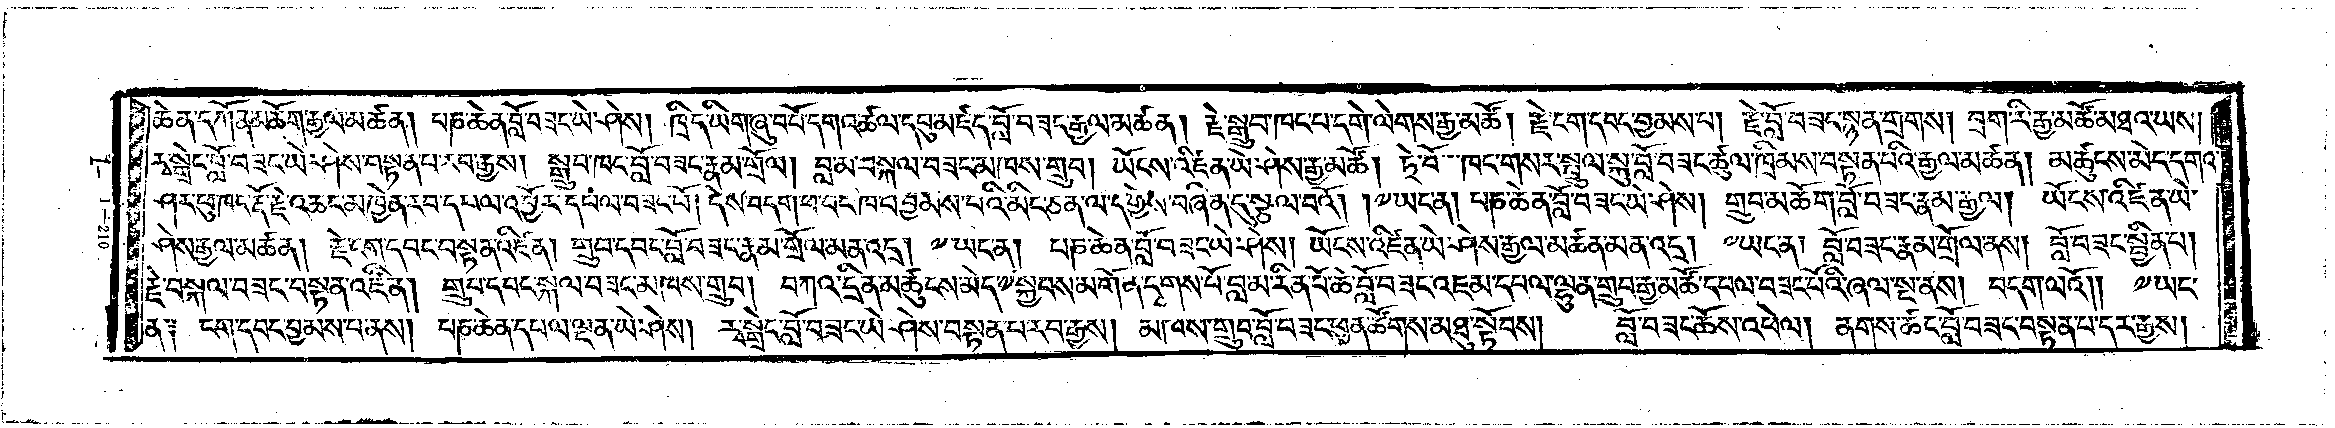ཆེན་དཀོན་མཆོག་རྒྱལ་མཚན། པཎ་ཆེན་བློ་བཟང་ཡེ་ཤེས། ཁྲིད་ཡིག་ཞུ་བ་པོ་དགའ་ཚལ་དབུ་མཛད་བློ་བཟང་རྒྱལ་མཚན། རྗེ་སྒྲུབ་ཁང་པ་དགེ་ལེགས་རྒྱ་མཚོ། རྗེ་ངག་དབང་བྱམས་པ། རྗེ་བློ་བཟང་སྙན་གྲགས། བྲག་རི་རྒྱ་མཚོ་མཐའ་ཡས།
རྭ་སྒྲེང་བློ་བཟང་ཡེ་ཤེས་བསྟན་པ་རབ་རྒྱས། སྒྲུབ་ཁང་བློ་བཟང་རྣམ་གྲོལ། བླ་མ་བསྐལ་བཟང་མཁས་གྲུབ། ཡོངས་འཛིན་ཡེ་ཤེས་རྒྱ་མཚོ། ཏྲེ་བོ་ཁང་གསར་སྤྲུལ་སྐུ་བློ་བཟང་ཚུལ་ཁྲིམས་བསྟན་པའི་རྒྱལ་མཚན། མཚུངས་མེད་དགའ་
ཤར་ཕུ་ཁང་རྡོ་རྗེ་འཆང་མཁྱེན་རབ་དཔལ་འབྱོར་དཔལ་བཟང་པོ། དེས་བདག་ཕ་བང་ཁབ་བྱམས་པའི་མིང་ཅན་ལ་དགྱེས་བཞིན་དུ་སྩལ་བའོ། །༧ཡང་ན། པཎ་ཆེན་བློ་བཟང་ཡེ་ཤེས། གྲུབ་མཆོག་བློ་བཟང་རྣམ་རྒྱལ། ཡོངས་འཛིན་ཡེ་
ཤེས་རྒྱལ་མཚན། རྗེ་ངག་དབང་བསྟན་འཛིན། གྲུབ་དབང་བློ་བཟང་རྣམ་གྲོལ་མན་འདྲ། ༧ཡང་ན། པཎ་ཆེན་བློ་བཟང་ཡེ་ཤེས། ཡོངས་འཛིན་ཡེ་ཤེས་རྒྱལ་མཚན་མན་འདྲ། ༧ཡང་ན། བློ་བཟང་རྣམ་གྲོལ་ནས། བློ་བཟང་སྦྱིན་པ།
རྗེ་བསྐལ་བཟང་བསྟན་འཛིན། གྲུབ་དབང་སྐལ་བཟང་མཁས་གྲུབ། བཀའ་དྲིན་མཚུངས་མེད ༧སྐྱབས་མགོན་དྭགས་པོ་བླ་མ་རིན་པོ་ཆེ་བློ་བཟང་འཇམ་དཔལ་ལྷུན་གྲུབ་རྒྱ་མཚོ་དཔལ་བཟང་པོའི་ཞལ་སྔ་ནས། བདག་ལའོ།། ༧ཡང་
ན༑ ངག་དབང་བྱམས་པ་ནས། པཎ་ཆེན་དཔལ་ལྡན་ཡེ་ཤེས། རྭ་སྒྲེང་བློ་བཟང་ཡེ་ཤེས་བསྟན་པ་རབ་རྒྱས། མཁས་གྲུབ་བློ་བཟང་ཕུན་ཚོགས་མཐུ་སྟོབས། བློ་བཟང་ཆོས་འཕེལ། ནགས་ཚང་བཟང་བསྟན་པ་དར་རྒྱས་